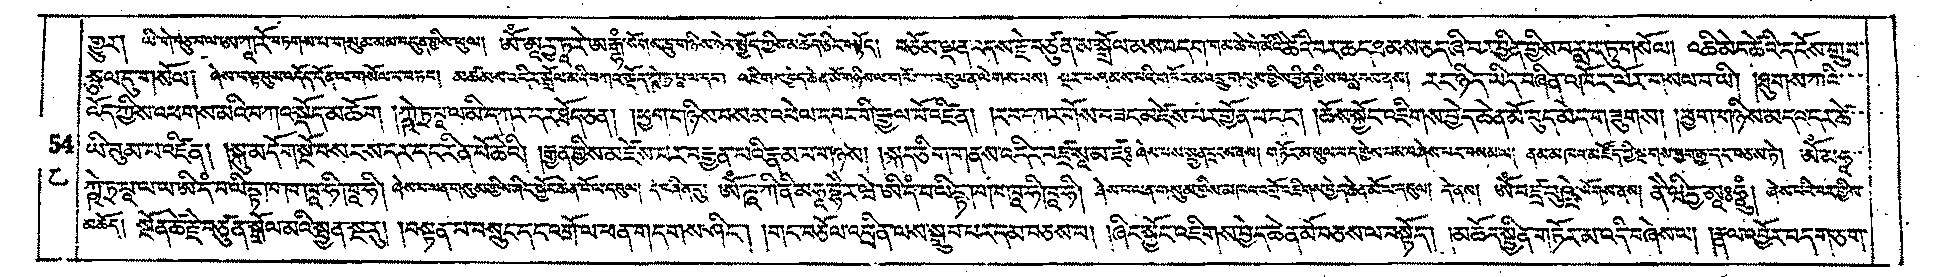གྱུར། ཡི་གེ་བཅུ་པ་ལ་ཨ་ཀཱ་རོ་བཏགས་པ་གསུམ་མམ་བདུན་གྱིས་ཕུལ།  ཨོཾ་ཨཱརྱ་ཏཱ་རེ་ཨརྒྷཾ་སོགས་ཆུ་གཉིས་ཉེར་སྤྱོད་ཀྱིས་མཆོད་ཅིང་བསྟོད།  བཅོམ་ལྡན་འདས་རྗེ་བཙུན་མ་སྒྲོལ་མས་བདག་གམ་ཆེ་གེ་མོའི་ཚེའི་བར་ཆད་ཐམས་ཅད་ཞི་བར་བྱིན་གྱིས་བརླབ་ཏུ་གསོལ། འཆི་མེད་ཚེའི་དངོས་གྲུབ་
སྩལ་དུ་གསོལ། ཞེས་པ་ལྟ་བུས་འདོད་དོན་ལ་གསོལ་བ་བཏབ། མཚམས་འདིར་སྒྲོལ་མའི་བཀའ་སྡོད་ཀྵེཏྲ་པཱ་ལ་དང་། འཇིགས་བྱེད་ཆེན་མོ་གཉིས་ལ་གཏོ་རས་འབུལ་ན་ལེགས་པས། སྔར་བཤམས་པའི་གཏོར་མ་འབྲུ་གསུམ་གྱིས་བྱིན་གྱིས་བརླབས་ནས།  རང་ཉིད་ཡིད་བཞིན་འཁོར་ལོར་གསལ་བ་ཡི། །ཐུགས་ཀའི་་་
འོད་ཀྱིས་འཕགས་མའི་བཀའ་སྡོད་མཆོག །ཀྵེ་ཏྲ་པཱ་ལ་མི་དཀར་དར་ཐོད་ཅན། །ཕྱག་གཉིས་བསམ་འཕེལ་དབང་གི་རྒྱལ་པོ་འཛིན། །རབ་དཀར་གོས་བཟང་མཛེས་པར་གྱོན་པ་དང་། །ཆོས་སྐྱོང་འཇིགས་བྱེད་ཆེན་མོ་བུད་མེད་གཟུགས། །ཕྱག་གཉིས་མདའ་དར་ཚེ་་་
ཡི་བུམ་པ་འཛིན། །སྐུ་མདོག་སྔོ་བསངས་དར་དང་རིན་པོ་ཆེའི། །རྒྱན་གྱིས་མཛེས་པར་བརྒྱན་པའི་རྣམ་པ་གཉིས། །སྐད་ཅིག་གནས་འདིར་བཛྲ་སཱ་མ་ཛཿ ཞེས་པས་སྤྱན་དྲངས་ནས། གཏོར་མ་ཕུལ་བ་དགྱེས་པས་བཞེས་པར་བསམ་ལ། ནམ་མཁའ་མཛོད་ཀྱི་སྔགས་ཕྱག་རྒྱ་དང་བཅས་ཏེ།  ཨོཾ་མཧཱ་་་
ཀྵེ་ཏྲ་པཱ་ལ་ཡ་ཨི་དཾ་བ་ལིངྟ་ཁ་ཁ་ཁཱ་ཧི་ཁཱ་ཧི། ཞེས་པ་ལན་གསུམ་གྱིས་ཞིང་སྐྱོང་ཆེན་པོ་ལ་དབུལ། དེ་བཞིན་དུ།  ཨོཾ་ཌཱ་ཀི་ནི་མཧཱ་བྷཻ་ར་ཝེ་ཨི་དཾ་བ་ལིངྟ་ཁ་ཁ་ཁཱ་ཧི་ཁཱ་ཧི། ཞེས་པ་ལན་གསུམ་གྱིས་མཁའ་འགྲོ་འཇིགས་བྱེད་ཆེན་མོ་ལ་དབུལ། དེ་ནས།  ཨོཾ་བཛྲ་པུཥྤེ་སོགས་ནས།  ནཻ་ཝིདྱ་ཨཱཿ ཧཱུཾ། ཞེས་པའི་བར་གྱིས་
མཆོད། སྔོན་ཚེ་རྗེ་བཙུན་སྒྲོལ་མའི་སྤྱན་སྔ་རུ། །བསྟན་པ་བསྲུང་དང་འགྲོ་ལ་ཕན་གདགས་ཤིང་། །གང་བཅོལ་འཕྲིན་ལས་སྒྲུབ་པར་དམ་བཅས་པ། །ཞིང་སྐྱོང་འཇིགས་བྱེད་ཆེན་མོ་བཅས་ལ་བསྟོད། །མཆོད་སྦྱིན་གཏོར་མ་འདི་བཞེས་ལ། །རྣལ་འབྱོར་བདག་ཅག་